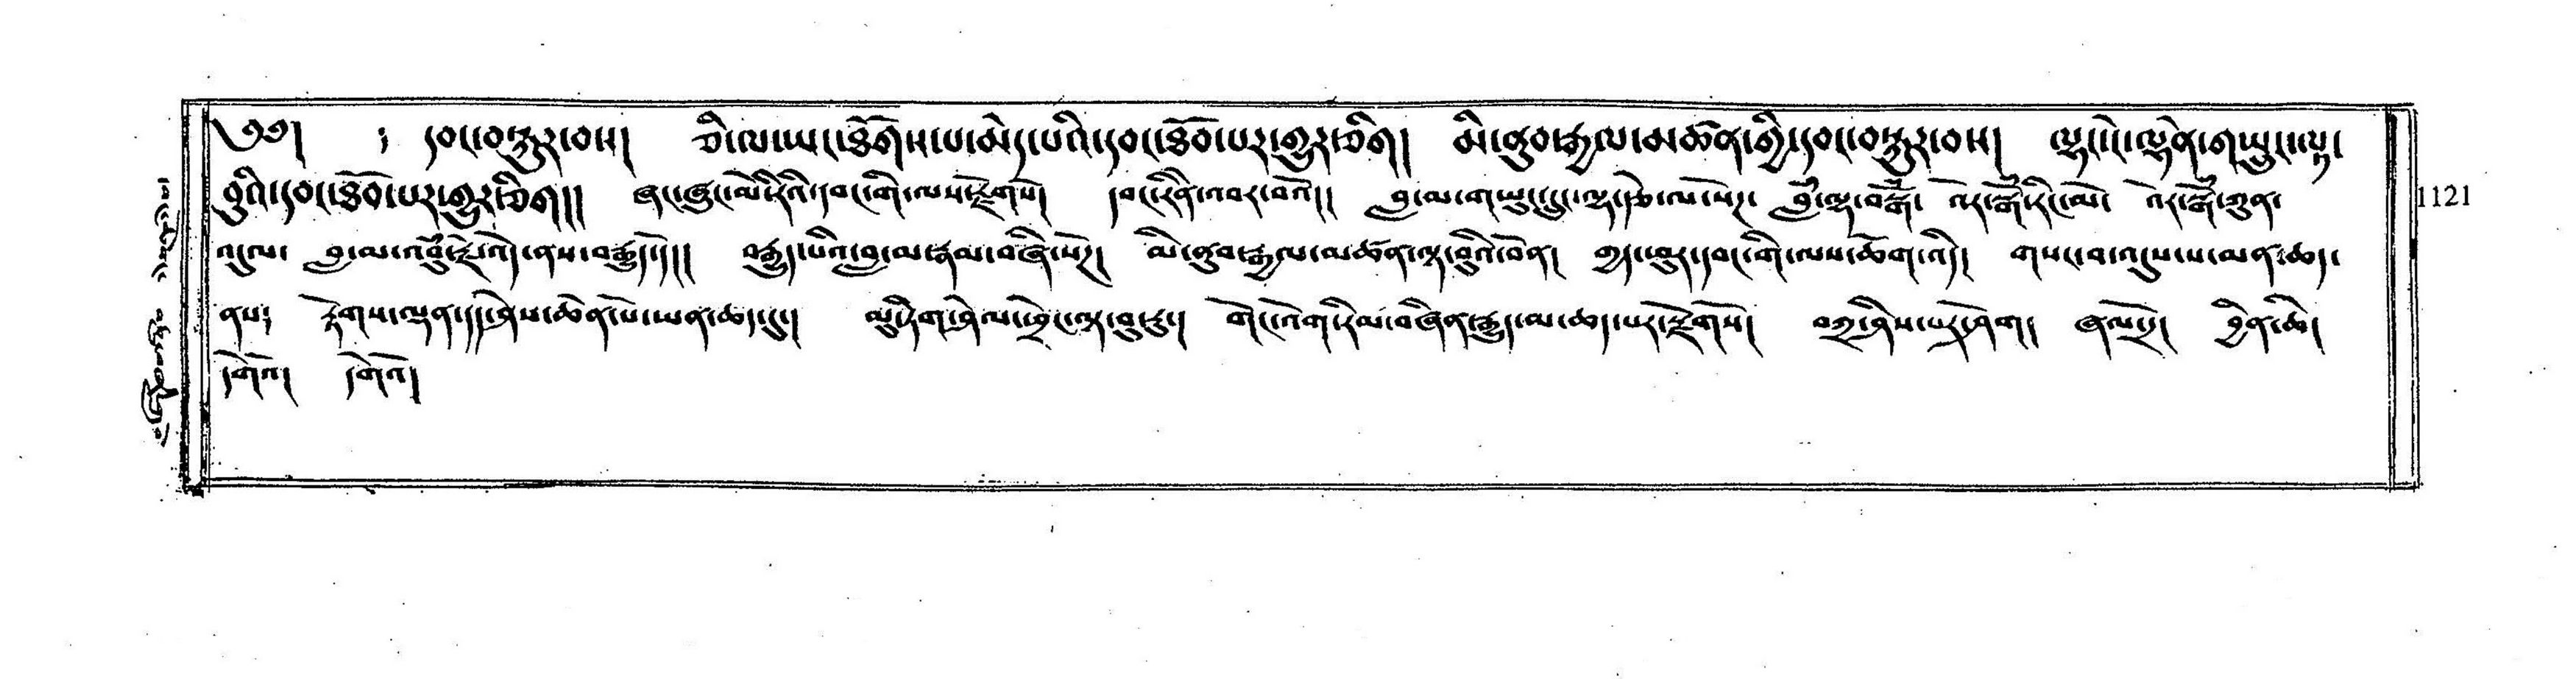དབང་བསྐུར་བས། ཅི་ལ་ཡང་ཐོགས་པ་མེད་པའི་དབང་ཐོབ་པར་གྱུར་ཅིག མི་ནུབ་རྒྱལ་མཚན་གྱི་དབང་བསྐུར་བས། ལྷང་ངེ་ལྷན་ནེ་གཡུང་དྲུང་ལྟ་
བུའི་དབང་ཐོབ་པར་གྱུར་ཅིག །ཞང་ཞུང་མེ་རིའི་དབང་གི་ལས་རྫོགས་སོ། དབང་རིན་ཆེན་འབར་བའོ།། བླ་མ་གཡུང་དྲུང་ལྷ་རྩེ་ལ་སོགས། བླ་མ་ལྷ་བསྒོམ། འོར་སྒོམ་རིང་མོ། འོར་སྒོམ་ཀུན་
འདུལ། བླ་མ་འབུམ་རྗེ་འོད་ནས་བརྒྱུད་དོ།། བརྒྱུད་པའི་བླ་མ་རྣམ་བཞི་སོགས། མི་ནུབ་རྒྱལ་མཚན་ལྟ་བུའི་བོན། གྱད་ཕུར་དབང་གི་ལས་ཆོག་འདི། གསང་བ་འདུས་པ་མན་ཆད་
ནས། རྟོགས་ལྡན་དད་ཤེས་ཆེན་པོ་ཡན་ཡན་ཆད་དུ། མུ་ཏིག་ཤེལ་ཕྲེང་ལྟ་བུ་རུ། གོང་འོག་རིམ་བཞིན་རྒྱུད་མ་ཆད་པར་རྫོགས་སོ། བཀྲ་ཤིས་པར་ཤོག ཞལ་དྲོ། བྱིན་ཆེ། 
དགེའོ། དགེའོ། །།